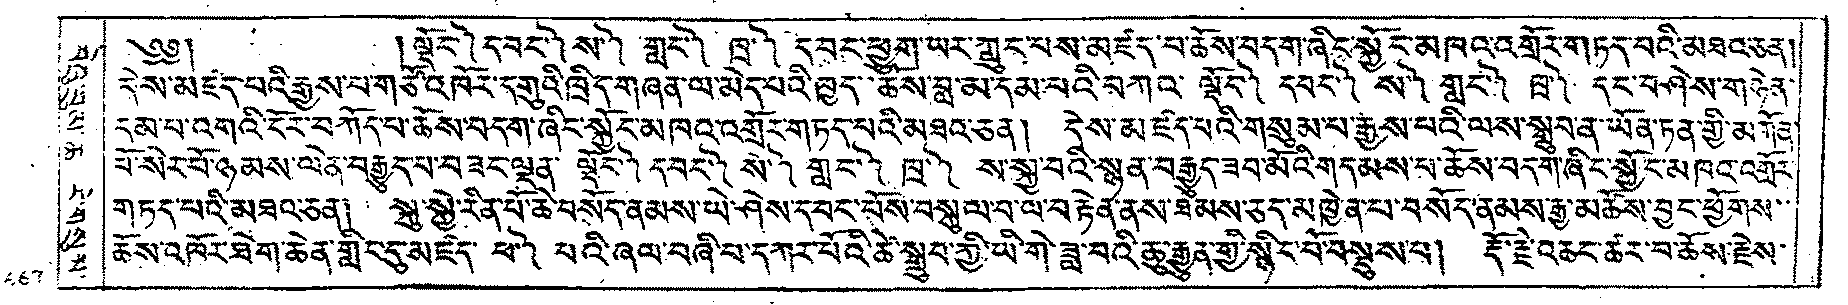༄༅། །ལྡོང྄་དབང྄་ས྄་གླང྄་ཁྲ྄་དབང་ཕྱུག་ཡར་ཀླུང་པས་མཛད་པ་ཆོས་བདག་ཞིང་སྐྱོང་མཁའ་འགྲོར་གཏད་པའི་མཐའ་ཅན།
དེས་མཛད་པའི་རྒྱས་པ་གཙོ་འཁོར་དགུའི་ཁྲིད་གཞན་ལ་མེད་པའི་ཁྱད་ཆོས་བླ་མ་དམ་པའི་བཀའ་ལྡོང྄་དབང྄་ས྄་གླང྄་ཁྲ྄་དང་བཤེས་གཉེན་
དམ་པ་འགའི་ངོར་བཀོད་པ་ཆོས་བདག་ཞིང་སྐྱོང་མཁའ་འགྲོར་གཏད་པའི་མཐའ་ཅན། དེས་མཛད་པའི་གསུམ་པ་རྒྱས་པའི་ལས་སྒྲུབ་ན་ཡོན་ཏན་གྱི་མགོན་
པོ་སེར་པོ་ཉམས་ལེན་བརྒྱུད་པ་བཟང་ལྡན་ལྡོང྄་དབང྄་ས྄་གླང྄་ཁྲ྄་ས་སྐྱ་བའི་སྙན་བརྒྱུད་ཟབ་མོའི་གདམས་པ་ཆོས་བདག་ཞིང་སྐྱོང་མཁའ་འགྲོར་
གཏད་པའི་མཐའ་ཅན། སྐུ་སྐྱེ་རིན་པོ་ཆེ་བསོད་ནམས་ཡེ་ཤེས་དབང་པོས་བསྐུལ་བ་ལ་བརྟེན་ནས་ཐམས་ཅད་མཁྱེན་པ་བསོད་ནམས་རྒྱ་མཚོས་བྱང་ཕྱོགས་
ཆོས་འཁོར་ཐེག་ཆེན་གླིང་དུ་མཛད་ཕ྄་པའི་ཞལ་བཞི་པ་དཀར་པོའི་ཚེ་སྒྲུབ་ཀྱི་ཡི་གེ་ཟླ་བའི་ཆུ་རྒྱུན་གྱི་སྙིང་པོ་བསྡུས་པ། རྡོ་རྗེ་འཆང་ཚར་བ་ཆོས་རྗེས་